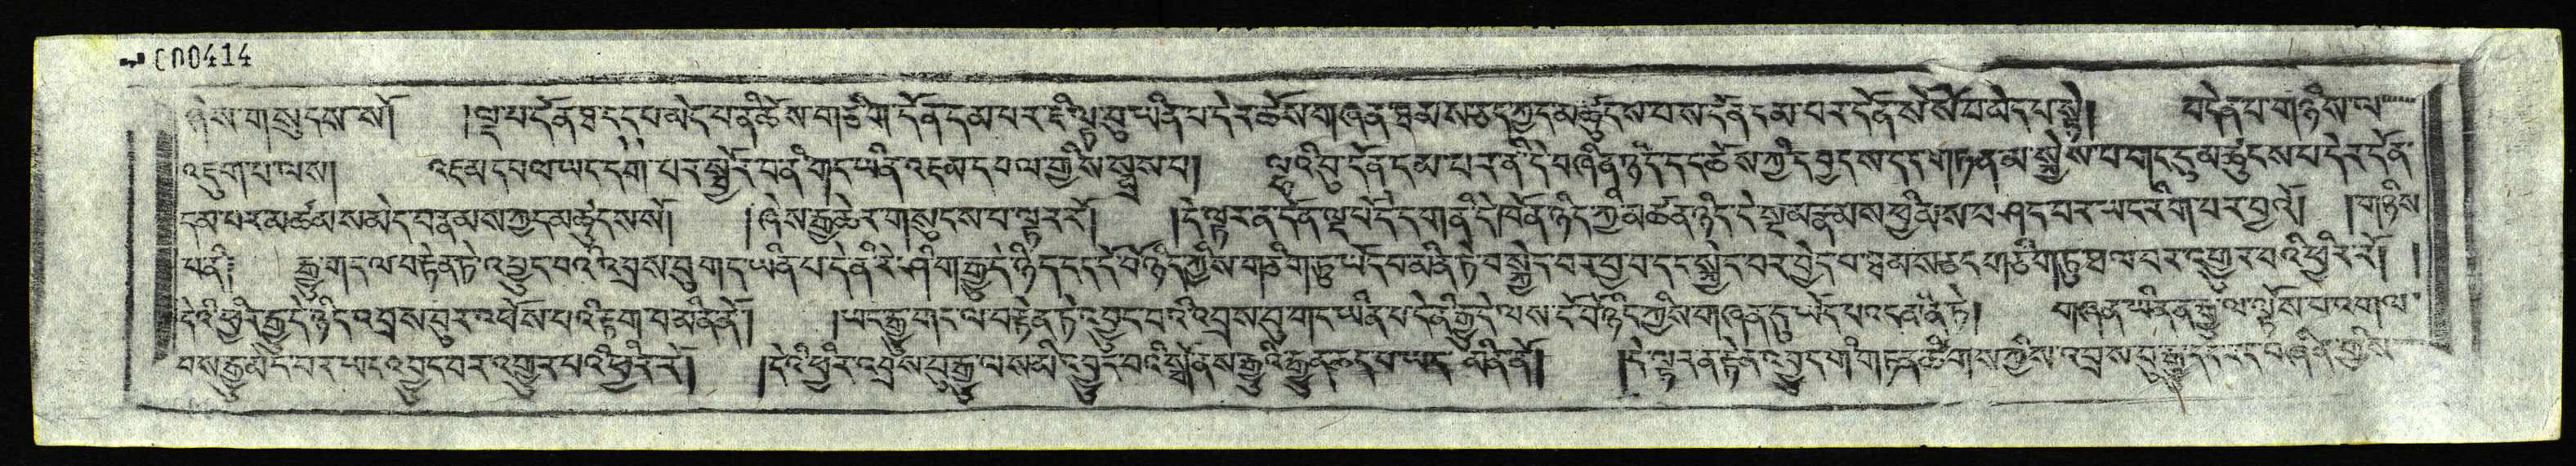ཞེས་གསུངས་སོ། །ལྔ་པ་དོན་ཐ་དད་པ་མེད་པ་ནི་ཆོས་གཅིག་དོན་དམ་པར་ཇི་ལྟ་བུ་ཡིན་པ་དེར་ཆོས་གཞན་ཐམས་ཅད་ཀྱང་མཚུངས་པས་དོན་དམ་པར་དོན་སོ་སོ་བ་མེད་པ་སྟེ། བདེན་པ་གཉིས་ལ་
འཇུག་པ་ལས། འཇམ་དཔལ་ཡང་དག་པར་སྦྱོར་བ་ནི་གང་ཡིན་འཇམ་དཔལ་གྱིས་སྨྲས་པ། ལྷའི་བུ་དོན་དམ་པར་ནི་དེ་བཞིན་ཉིད་དང་ཆོས་ཀྱི་དབྱངས་དང་གཏན་མ་སྐྱེས་པ་གང་དུ་མཚུངས་པ་དེར་དོན་
དམ་པར་མཚམས་མེད་པ་རྣམས་ཀྱང་མཚུངས་སོ། །ཞེས་རྒྱ་ཆེར་གསུངས་པ་ལྟར་རོ། །དེ་ལྟར་ན་དོན་ལྔ་པོ་དེ་དག་ནི་དེ་ཁོ་ན་ཉིད་ཀྱི་མཚན་ཉིད་དེ་སྔ་མ་རྣམས་ཕྱི་མས་བཤད་པར་ཡང་རིག་པར་བྱའོ། །གཉིས་
པ་ནི༑ རྒྱུ་གང་ལ་བརྟེན་ཏེ་འབྱུང་བའི་འབྲས་བུ་གང་ཡིན་པ་དེ་ནི་རེ་ཤིག་རྒྱུ་དེ་ཉིད་དང་ངོ་བོ་ཉིད་ཀྱིས་གཅིག་ཏུ་ཡོད་པ་མིན་ཏེ་བསྐྱེད་པར་བྱ་བ་དང་སྐྱེད་པར་བྱེད་པ་ཐམས་ཅད་གཅིག་ཏུ་ཐལ་བར་འགྱུར་བའི་ཕྱིར་རོ། །
དེའི་ཕྱིར་རྒྱུ་དེ་ཉིད་འབྲས་བུར་འཕོས་པའི་རྟག་པ་མིན་ནོ། །ཡང་རྒྱུ་གང་ལ་བརྟེན་ཏེ་འབྱུང་བའི་འབྲས་བུ་གང་ཡིན་པ་དེ་ནི་རྒྱུ་དེ་ལས་ངོ་བོ་ཉིད་ཀྱིས་གཞན་དུ་ཡོད་པའང་མིན་ཏེ། གཞན་ཡིན་ན་རྒྱུ་ལ་ལྟོས་པ་འགལ་
བས་རྒྱུ་མེད་པར་ཡང་འབྱུང་བར་འགྱུར་པའི་ཕྱིར་རོ། །དེའི་ཕྱིར་འབྲས་བུ་རྒྱུ་ལས་མི་འབྱུང་བའི་སྒོ་ནས་རྒྱུའི་རྒྱུན་ཆད་པ་ཡང་མིན་ནོ། །དེ་ལྟར་ན་རྟེན་འབྱུང་གི་གཏན་ཚིགས་ཀྱིས་འབྲས་བུ་རྒྱུ་དང་རང་བཞིན་གྱིས་